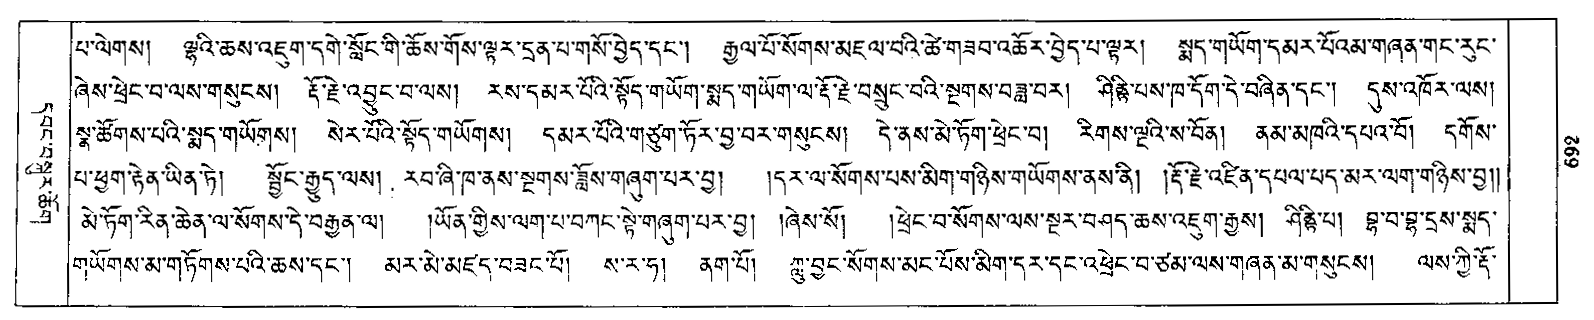པ་ལེགས། ལྷའི་ཆས་འཇུག་དགེ་སློང་གི་ཆོས་གོས་ལྟར་དྲན་པ་གསོ་བྱེད་དང་། རྒྱལ་པོ་སོགས་མཇལ་བའི་ཚེ་གཟབ་འཆོར་བྱེད་པ་ལྟར། སྨད་གཡོག་དམར་པོའམ་གཞན་གང་རུང་
ཞེས་ཕྲེང་བ་ལས་གསུངས། རྡོ་རྗེ་འབྱུང་བ་ལས། རས་དམར་པོའི་སྟོད་གཡོག་སྨད་གཡོག་ལ་རྡོ་རྗེ་བསྲུང་བའི་སྔགས་བཟླ་བར། ཤིནྟི་པས་ཁ་དོག་དེ་བཞིན་དང་། དུས་འཁོར་ལས།
སྣ་ཚོགས་པའི་སྨད་གཡོགས། སེར་པོའི་སྟོད་གཡོགས། དམར་པོའི་གཙུག་ཏོར་བྱ་བར་གསུངས། དེ་ནས་མེ་ཏོག་ཕྲེང་བ། རིགས་ལྔའི་ས་བོན། ནམ་མཁའི་དཔའ་བོ། དགོས་
པ་ཕྱག་རྟེན་ཡིན་ཏེ། སྦྱོང་རྒྱུད་ལས། རབ་ཞི་ཁ་ནས་སྔགས་ཟློས་གཞུག་པར་བྱ། །དར་ལ་སོགས་པས་མིག་གཉིས་གཡོགས་ནས་ནི། །རྡོ་རྗེ་འཛིན་དཔལ་པད་མར་ལག་གཉིས་བྱ།།
མེ་ཏོག་རིན་ཆེན་ལ་སོགས་དེ་བརྒྱན་ལ། །ཡོན་གྱིས་ལག་པ་བཀང་སྟེ་གཞུག་པར་བྱ། །ཞེས་སོ། །ཕྲེང་བ་སོགས་ལས་སྔར་བཤད་ཆས་འཇུག་རྒྱས། ཤིནྟི་པ། བྷ་བ་བྷ་དྲས་སྨད་
གཡོགས་མ་གཏོགས་པའི་ཆས་དང་། མར་མེ་མཛད་བཟང་པོ། ས་ར་ཧ། ནག་པོ། ཀླུ་བྱང་སོགས་མང་པོས་མིག་དར་དང་འཕྲེང་བ་ཙམ་ལས་གཞན་མ་གསུངས། ལས་ཀྱི་རྡོ་